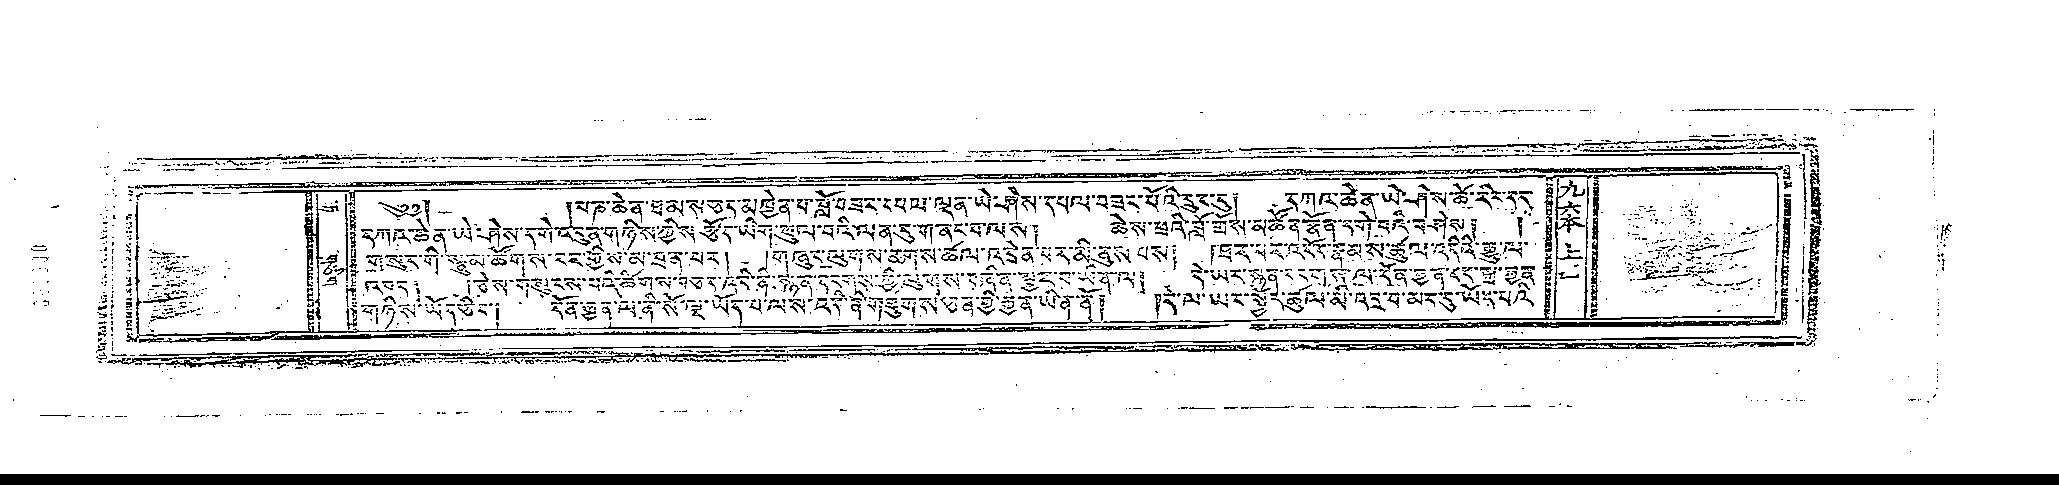༄༅། །པཎ་ཆེན་ཐམས་ཅད་མཁྱེན་བ་བློ་བཟང་དཔལ་ལྡན་ཡེ་ཤེས་དཔལ་བཟང་པོའི་དྲུང་དུ། དཀའ་ཆེན་ཡེ་ཤེས་ཚེ་རིང་དང་
དཀའ་ཆེན་ཡེ་ཤེས་དགེ་འདུན་གཉིས་ཀྱིས་རྩོད་ཡིག་ཕུལ་བའི་ལན་དུ་གནང་བ་ལས། ཆེས་ཕྲའི་བློ་གྲོས་མཚོན་རྣོན་དགེ་བའི་བཤེས། །
གསུང་གི་སྣུ་མ་ཚོགས་ངར་གྱིས་མ་བྲན་པར། །གཞུང་ལུགས་ནགས་ཚལ་འདྲེན་པར་མི་ནུས་པས། །ཐར་པར་འདོད་རྣམས་ཚུལ་འདིའི་རྒྱུ་ལ་
འབད། །ཅེས་གསུངས་བའི་ཚིགས་བཅད་འདི་ནི་སྙན་དངགས་ཀྱི་ལུགས་བཞིན་སྦྱར་བ་ཡིན་ལ། དེ་ཡང་སྙན་དང་གསལ་དོན་རྒྱན་དང་སྒྲ་རྒྱན་
གཉིས་ཡོད་ཅིང་། དོན་རྒྱན་ལ་ནི་སོ་ལྔ་ཡོད་པ་ལས་འདི་ནི་གཟུགས་ཅན་གྱི་རྒྱན་ཡིན་ནོ། །དེ་ལ་ཡང་སྦྱོར་ཚུལ་མི་འདྲ་བ་མང་དུ་ཡོད་པའི་